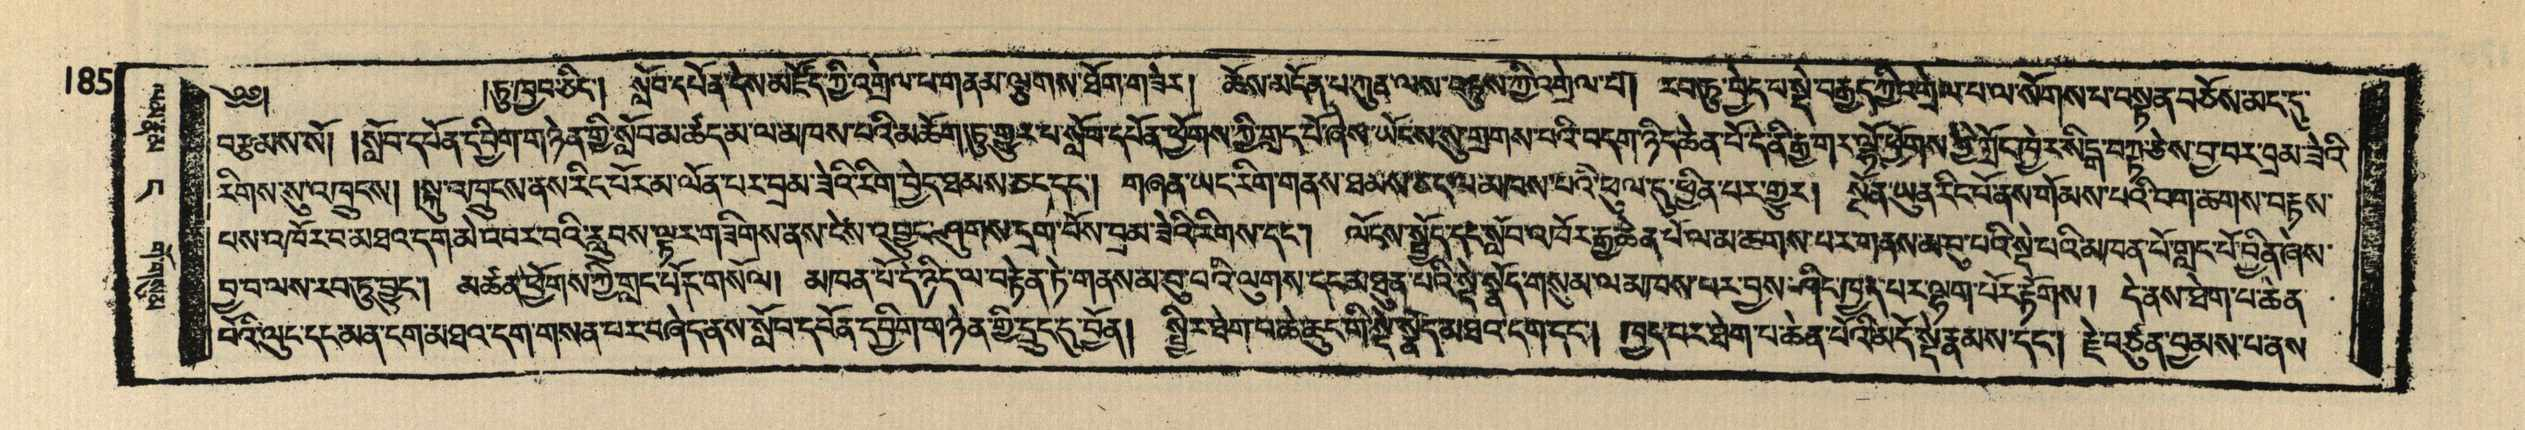༄༅། །ཏུ་ཁྱབ་ཅིང་། སློབ་དཔོན་དེས་མཛོད་ཀྱི་འགྲེལ་པ་གནམ་ལྕགས་ཐོག་གཟེར། ཆོས་མངོན་པ་ཀུན་ལས་བཏུས་ཀྱི་འགྲེལ་བ། རབ་ཏུ་བྱེད་བ་སྡེ་བརྒྱད་ཀྱི་འགྲེལ་པ་ལ་སོགས་པ་བསྟན་བཅོས་མང་དུ་
བརྩམས་སོ། །སློབ་དཔོན་དབྱིག་གཉེན་གྱི་སློབ་མ་ཚད་མ་ལ་མཁས་པའི་མཆོག་ཏུ་གྱུར་པ་སློབ་དཔོན་ཕྱོགས་ཀྱི་གླང་པོ་ཞེས་ཡོངས་སུ་གྲགས་པའི་བདག་ཉིད་ཆེན་པོ་དེ་ནི་རྒྱ་གར་ལྷོ་ཕྱོགས་ཀྱི་གྲོང་ཁྱེར་སིངྒ་བཀྟ་ཅེས་བྱ་པར་བྲམ་ཟེའི་
རིགས་སུ་འཁྲུངས། །སྐུ་འཁྲུངས་ནས་རིང་པོར་མ་ལོན་པར་བྲམ་ཟེའི་རིག་བྱེད་ཐམས་ཅད་དང་། གཞན་ཡང་རིག་གནས་ཐམས་ཅད་ལ་མཁས་པའི་ཕུལ་དུ་ཕྱིན་པར་གྱུར། སྔོན་ཡུན་རིང་པོ་ནས་གོམས་པའི་བག་ཆགས་བརྟས་
པས་འཁོར་བ་མཐའ་དག་མེ་འབར་བའི་རླུབས་ལྟར་གཟིགས་ནས་ངེས་འབྱུང་ཤུགས་དྲག་བོས་བྲམ་ཟེའི་རིགས་དང་། ལོངས་སྤྱོད་དང་སློབ་འཁོར་རྒྱ་ཆེན་པོ་ལ་མ་ཆགས་པར་གནས་མ་བུ་པའི་སྡེ་པའི་མཁན་པོ་གླང་པོ་བྱིན་ཞེས་
བྱ་བ་ལས་རབ་ཏུ་བྱུང་། མཚན་ཕྱོགས་ཀྱི་གླང་པོར་གསོལ། མཁན་པོ་དེ་ཉིད་ལ་བརྟེན་ཏེ་གནས་མ་བུ་བའི་ལུགས་དང་མཐུན་པའི་སྡེ་སྣོད་གསུམ་ལ་མཁས་པར་བྱས་ཤིང་ཁྱད་པར་ལྷག་པོར་རྟོགས། དེ་ནས་ཐེག་པ་ཆེན་
བོའི་ལུང་དང་མན་ངག་མཐའ་དག་གསན་བར་བཞེད་ནས་སློབ་དཔོན་དབྱིག་གཉེན་གྱི་དྲུང་དུ་བྱོན། སྤྱིར་ཐེག་བ་ཆེ་ཆུང་གི་སྡེ་སྣོད་མཐའ་དག་དང་། ཁྱད་པར་ཐེག་པ་ཆེན་པོའི་མདོ་སྡེ་རྣམས་དང་། རྗེ་བཙུན་བྱམས་པ་ནས་